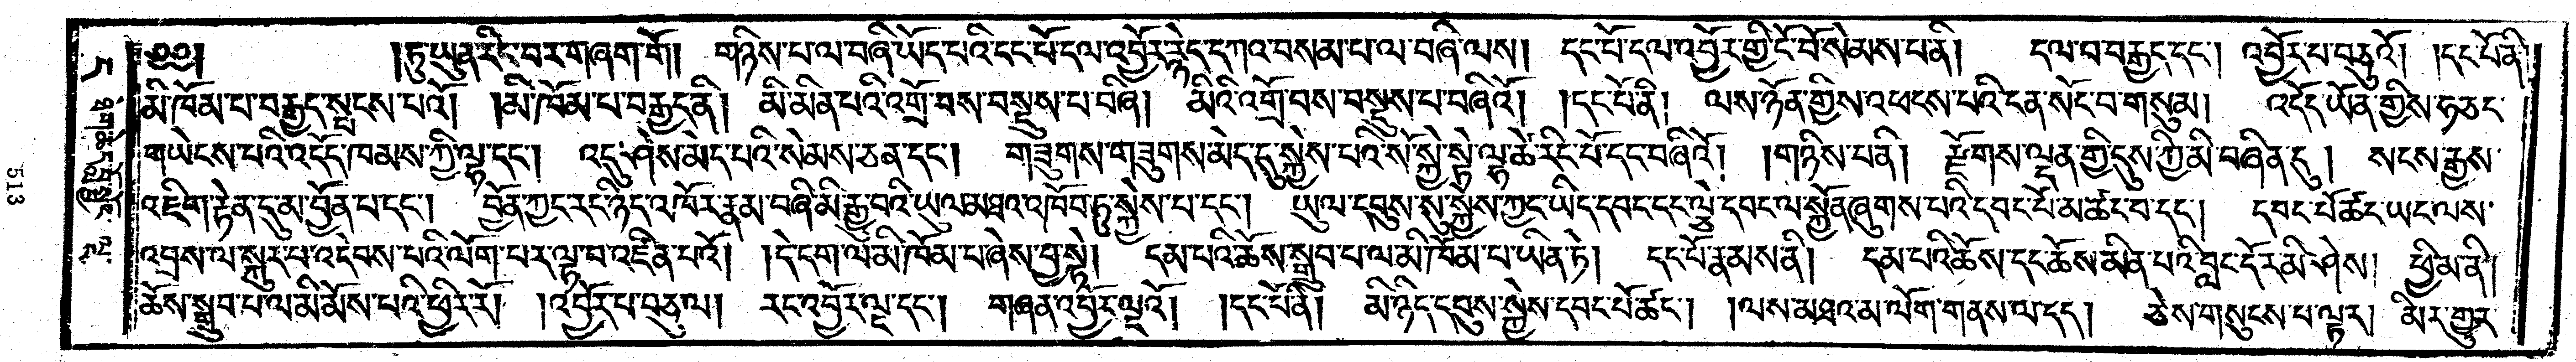༄༅། །ཏུ་ཡུན་རིང་བར་གཞག་གོ། གཉིས་པ་ལ་བཞི་ཡོད་པའི་དང་པོ་དལ་འབྱོར་རྙེད་དཀའ་བསམ་པ་ལ་བཞི་ལས། དང་པོ་དལ་འབྱོར་གྱི་ངོ་བོ་སེམས་པ་ནི། དལ་བ་བརྒྱད་དང་། འབྱོར་པ་བཅུའོ། །དང་པོ་ནི་
མི་ཁོམ་པ་བརྒྱད་སྤངས་པའོ། །མི་ཁོམ་པ་བརྒྱད་ནི། མི་མིན་པའི་འགྲོ་བས་བསྡུས་པ་བཞི། མིའི་འགྲོ་བས་བསྡུས་པ་བཞིའོ། །དང་པོ་ནི། ལས་ཉོན་གྱིས་འཕངས་པའི་ངན་སོང་བ་གསུམ། འདོད་ཡོན་གྱིས་ཧ་ཅང་
གཡེངས་པའི་འདོད་ཁམས་ཀྱི་ལྷ་དང་། འདུ་ཤེས་མེད་པའི་སེམས་ཅན་དང་། གཟུགས་གཟུགས་མེད་དུ་སྐྱེས་པའི་སོ་སྐྱེ་སྟེ་ལྷ་ཚེ་རིང་པོ་དང་བཞིའོ། །གཉིས་པ་ནི། རྫོགས་ལྡན་གྱི་དུས་ཀྱི་མི་བཞིན་དུ། སངས་རྒྱས་
འཇིག་རྟེན་དུ་མ་བྱོན་པ་དང་། བྱོན་ཀྱང་རང་ཉིད་འཁོར་རྣམ་བཞི་མི་རྒྱུ་བའི་ཡུལ་མཐའ་འཁོབ་ཏུ་སྐྱེས་པ་དང་། ཡུལ་དབུས་སུ་སྐྱེས་ཀྱང་ཡིད་དབང་དང་ལྕེ་དབང་ལ་སྐྱོན་ཞུགས་པའི་དབང་པོ་མ་ཚང་བ་དང་། དབང་པོ་ཚང་ཡང་ལས་
འབྲས་ལ་སྐུར་པ་འདེབས་པའི་ལོག་པར་ལྟ་བ་འཛིན་པའོ། །དེ་དག་ལ་མི་ཁོམ་པ་ཞེས་བྱ་སྟེ། དམ་པའི་ཆོས་སྒྲུབ་པ་ལ་མི་ཁོམ་པ་ཡིན་ཏེ། དང་པོ་རྣམས་ནི། དམ་པའི་ཆོས་དང་ཆོས་མིན་པའི་བླང་དོར་མི་ཤེས། ཕྱི་མ་ནི།
ཆོས་སྒྲུབ་པ་ལ་མི་མོས་པའི་ཕྱིར་རོ། །འབྱོར་པ་བཅུ་ལ། རང་འབྱོར་ལྔ་དང་། གཞན་འབྱོར་ལྔའོ། །དང་པོ་ནི། མི་ཉིད་དབུས་སྐྱེས་དབང་པོ་ཚང་། །ལས་མཐའ་མ་ལོག་གནས་ལ་དད། ཅེས་གསུངས་པ་ལྟར། མིར་གྱུར་